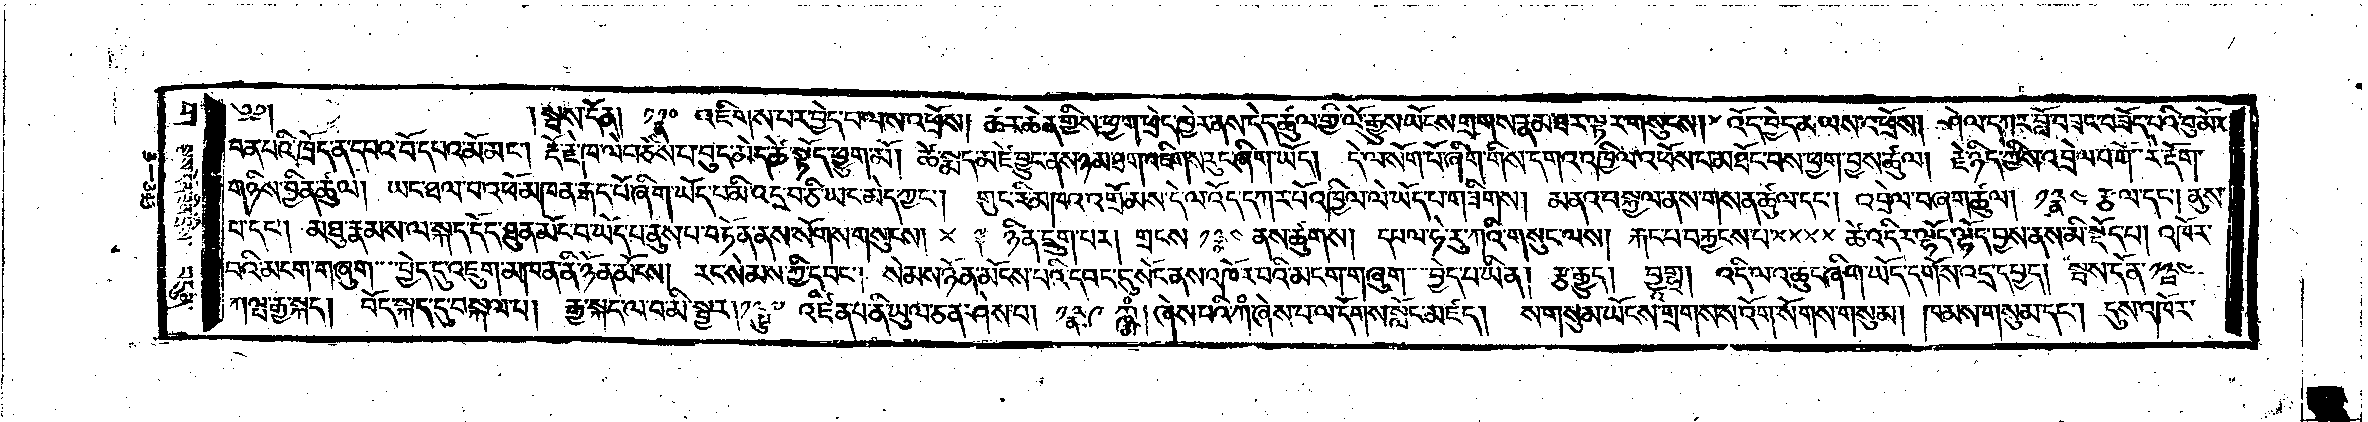༄༅། །སྦས་དོན། ༡༡༠་འཇིགས་པར་བྱེད་བ་ལས་འཕྲོས། ཚར་ཆེན་གྱིས་ཕྱག་ཕྲེད་ཁྱེར་ནས་དེད་ཚུལ་གྱི་ལོ་རྒྱུས་ཡོངས་གྲགས་རྣམ་ཐར་ལྟར་གསུངས། ྾་འོད་བྱེད་མ་ལས་འཕྲོས། ཤེལ་དཀར་བློ་བཟང་བཟོད་པའི་བུ་མོར་
བན་པའི་ཁྲོད་ན་དཔའ་བོ་དཔའ་མོ་མང་། རྡོ་རྗེ་ཁ་ལེ་བཅེས་པ་བུད་མེད་ཚེ་སྟོད་ཕྱུག་མོ། ཚེ་སྨད་མཛེ་བྱུང་ནས་ཉམ་ཐག་འཇིགས་རུང་ཞིག་ཡོད། དེ་ལ་སོགས་པོ་ཞིག་གིས་དགའ་འཁྱིལ་འཕོས་པ་མཐོང་བས་ཕྱག་བྱས་ཚུལ། རྗེ་ཉིད་ཀྱིས་འབྲེལ་པ་གོ་རེ་རྡོག་
གཉིས་བྱིན་ཚུལ། ཡང་ཐལ་བ་འཕོ་མཁན་རྒྱད་པོ་ཞིག་ཡོད་པ་མི་འདྲ་བ་ཅི་ཡང་མེད་ཀྱང་། གུང་རི་མཁའ་འགྲོ་མས་དེ་ལ་འོད་དཀར་པོ་འཁྱིལ་ལེ་ཡོད་པ་གཟིགས། མནའ་བསྐྱལ་ནས་གསན་ཚུལ་དང་། འབྲེལ་བཞག་ཚུལ། ༡༢༤་རྩལ་དང་། ནུས་
པ་དང་། མཐུ་རྣམས་ལ་སྐད་དོད་ཐུན་མོང་བ་ཡོད་པ་ནུས་པ་བཏོན་ནས་སོགས་གསུངས། ྾་༈ ཉིན་དྲུག་པར། གྲངས ༡༢༤་ནས་ཚུགས། དཔལ་ཧེ་རུ་ཀའི་གསུང་ལས། རྐང་པ་བརྐྱངས་པ྾྾྾྾་ཚེ་འདིར་ལྷོད་ལྷོད་བྱས་ནས་མི་སྡོད་པ། འཁོར་
བའི་མངག་གཞུག་བྱེད་དུ་འཇུག་མཁན་ནི་ཉོན་མོངས། རང་སེམས་ཀྱི་དབང་། སེམས་ཉོན་མོངས་པའི་དབང་དུ་སོང་ནས་འཁོར་བའི་མངག་གཞུག་བྱེད་པ་ཡིན། རྩ་རྒྱུད། བྱཱགྷྲ། འདི་ལ་འ་ཆུང་ཞིག་ཡོད་དགོས་འདྲ་དཔྱད། སྦས་དོན ༡༢༤
ཀལྤ་རྒྱ་སྐད། བོད་སྐད་དུ་བསྐལ་པ། རྒྱ་སྐད་ལ་བ་མི་སྦྱར། ༡༢༧་འཛིན་པ་ནི་ཡུལ་ཅན་ཤེས་པ། ༡༢༩་ཀྵྨཾ། ཞེས་པའི་ཀཾ་ཞེས་པ་ལ་དོགས་སློང་མཛད། ས་གསུམ་ཡོངས་གྲགས་ས་འོག་སོགས་གསུམ། མཁམས་གསུམ་དང་། དུས་འཁོར་